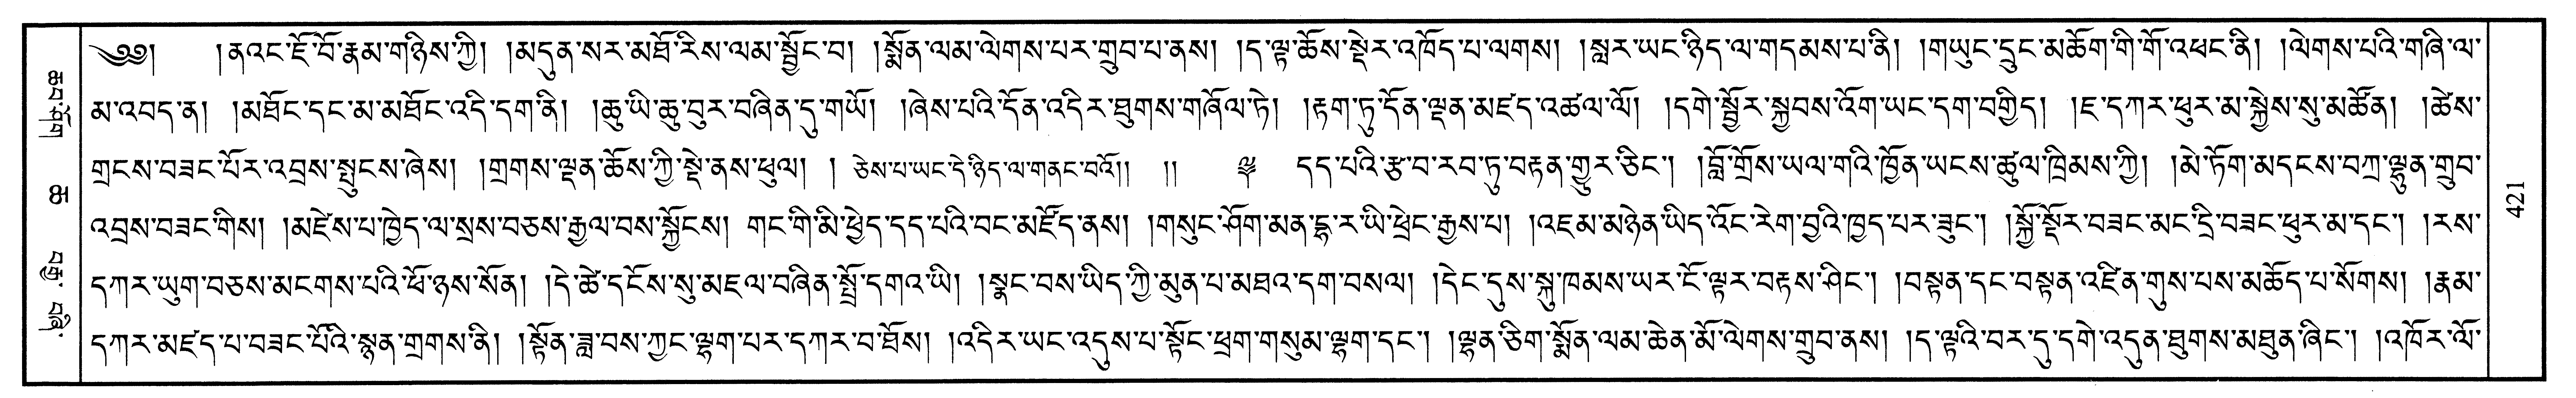༄༅། །ནའང་ཇོ་བོ་རྣམ་གཉིས་ཀྱི། །མདུན་སར་མཐོ་རིས་ལམ་སྦྱོང་བ། །སྨོན་ལམ་ལེགས་པར་གྲུབ་པ་ནས། །ད་ལྟ་ཆོས་སྡེར་འཁོད་པ་ལགས། །སླར་ཡང་ཉིད་ལ་གདམས་པ་ནི། །གཡུང་དྲུང་མཆོག་གི་གོ་འཕང་ནི། །ལེགས་པའི་གཞི་ལ་
མ་འབད་ན། །མཐོང་དང་མ་མཐོང་འདི་དག་ནི། །ཆུ་ཡི་ཆུ་བུར་བཞིན་དུ་གཡོ། །ཞེས་པའི་དོན་འདིར་ཐུགས་གཞོལ་ཏེ། །རྟག་ཏུ་དོན་ལྡན་མཛད་འཚལ་ལོ། །དགེ་སྦྱོར་སྐྱབས་འོག་ཡང་དག་བགྱིད། །ཇ་དཀར་ཕུར་མ་སྐྱེས་སུ་མཚོན། །ཚེས་
གྲངས་བཟང་པོར་འབྲས་སྤུངས་ཞེས། །གྲགས་ལྡན་ཆོས་ཀྱི་སྡེ་ནས་ཕུལ། །ཅེས་པ་ཡང་དེ་ཉིད་ལ་གནང་བའོ།། །། ༈ དད་པའི་རྩ་བ་རབ་ཏུ་བརྟན་གྱུར་ཅིང་། །བློ་གྲོས་ཡལ་གའི་ཁྱོན་ཡངས་ཚུལ་ཁྲིམས་ཀྱི། །མེ་ཏོག་མདངས་བཀྲ་ལྷུན་གྲུབ་
འབྲས་བཟང་གིས། །མཛེས་པ་ཁྱེད་ལ་སྲས་བཅས་རྒྱལ་བས་སྐྱོངས། །གང་གི་མི་ཕྱེད་དད་པའི་བང་མཛོད་ནས། །གསུང་ཤོག་མན་དྷ་ར་ཡི་ཕྲེང་རྒྱས་པ། །འཇམ་གཉེན་ཡིད་འོང་རེག་བྱའི་ཁྱད་པར་ཟུང་། །སྐྱོ་སྡོར་བཟང་མང་དྲི་བཟང་ཕུར་མ་དང་། །རས་
དཀར་ཡུག་བཅས་མངགས་པའི་ཕོ་ཉས་སོན། །དེ་ཚེ་དངོས་སུ་མཇལ་བཞིན་སྤྲོ་དགའ་ཡི། །སྣང་བས་ཡིད་ཀྱི་མུན་པ་མཐའ་དག་བསལ། །དེང་དུས་སྐུ་ཁམས་ཡར་ངོ་ལྟར་བརྟས་ཤིང་། །བསྟན་དང་བསྟན་འཛིན་གུས་པས་མཆོད་པ་སོགས། །རྣམ་
དཀར་མཛད་པ་བཟང་པོའི་སྙན་གྲགས་ནི། །སྟོན་ཟླ་བས་ཀྱང་ལྷག་པར་དཀར་བ་ཐོས། །འདིར་ཡང་འདུས་པ་སྟོང་ཕྲག་གསུམ་ལྷག་དང་། །ལྷན་ཅིག་སྨོན་ལམ་ཆེན་མོ་ལེགས་གྲུབ་ནས། །ད་ལྟའི་བར་དུ་དགེ་འདུན་ཐུགས་མཐུན་ཞིང་། །འཁོར་ལོ་